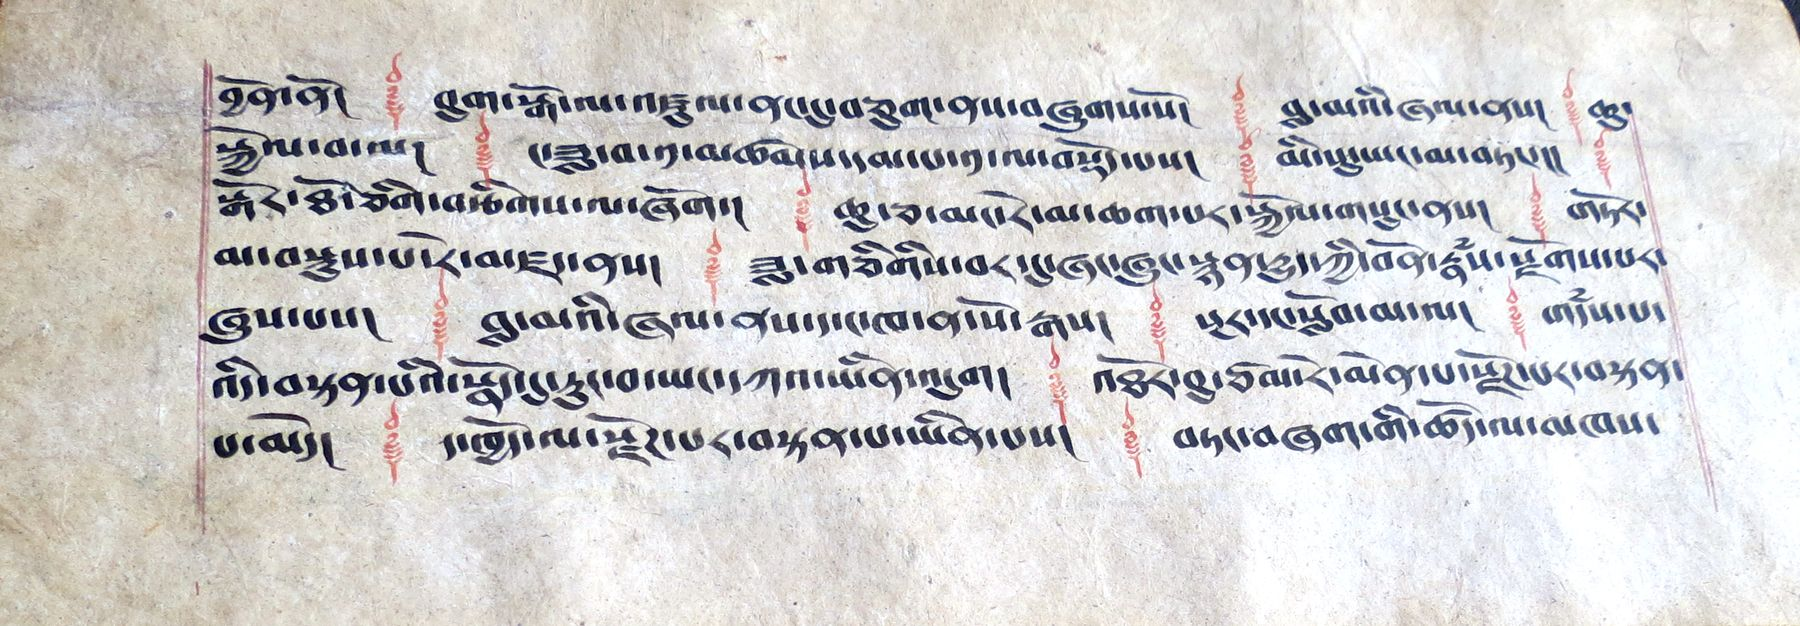བྱོན་ནོ། ། བུག་སྒོ་ལས་འཛུལ་ནང་དུ་བཅུག་ནས་བཞུགས་སོ། ། བླ་མའི་ཞལ་ནས་ཆུ་
སྐྱེལ་བ་ལ་ང་ཟླ་བ་གཅིག་མཚམས་དམ་པ་ཞིག་ལ་བསྡོད་པས། མི་སུ་ཡང་མ་གཏོང་།།
སྒོར་ཐོ་ཞིག་བརྩེགས་ལ་ཞོག ཆུ་ཅ་མང་བ་རེ་མ་ཆག་པར་སྐྱོལ་གསུངས་ནས། གཏོར་
མ་བསྡུས་པ་རེ་མཛད་ནས། ཟླ་བ་གཅིག་གི་བར་དུ་ཞང་ཞུང་སྙན་རྒྱུད་ཀྱི་བོན་རྣམས་རྫོགས་པར་
ཞུས་པས། བླ་མའི་ཞལ་ནས་ད་ང་ཁ་ན་སོ་རྒས། སྔར་དང་སློབ་མ་ལ་གདམས་པ་
འདི་བསྟན་པའི་སྣོད་དུ་རུང་བ་དཀའ་ཡིན་འདུག འཐོར་བུ་ཙམ་རེ་མིན་པ་རྫོགས་པར་བསྟན་
པ་མེད། ད་ཁྱོད་ལ་རྫོགས་པར་བསྟན་པ་ཡིན་པས། བཏང་བཞག་གི་ཚོད་ལ་མཁས་